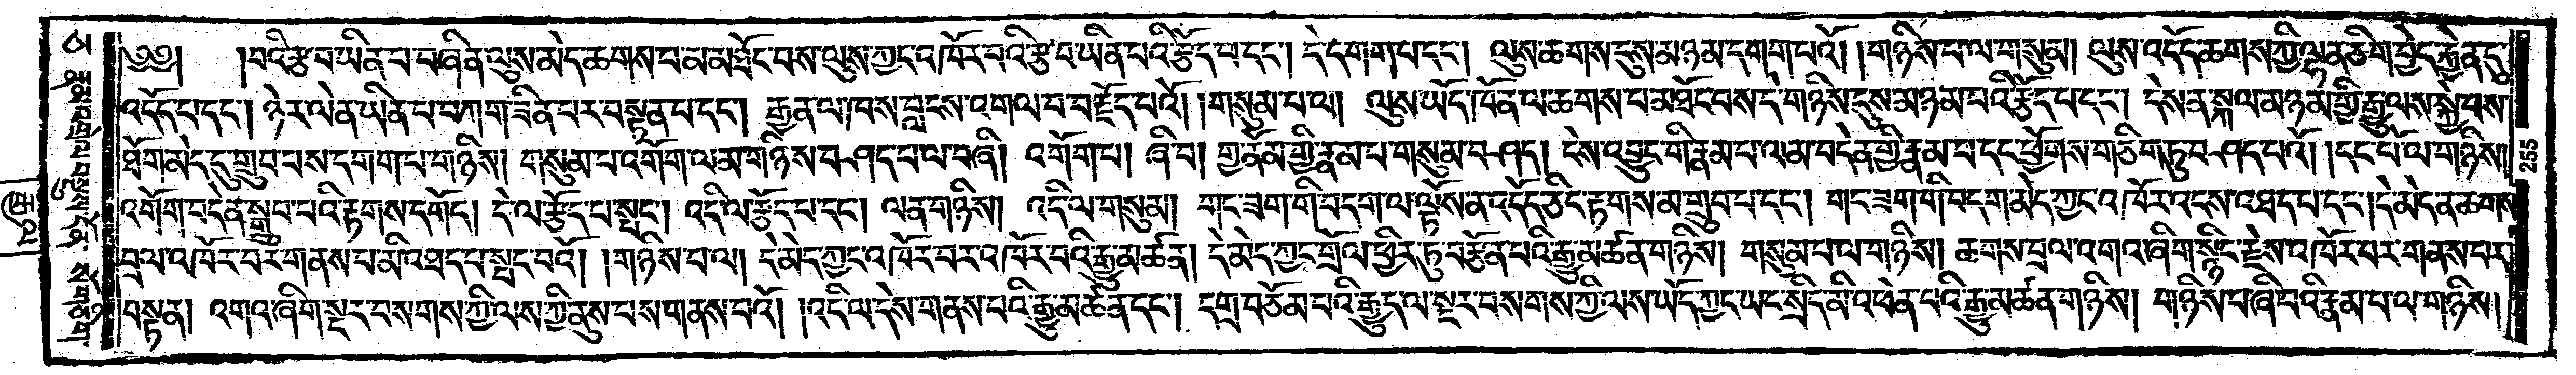༄༅། །བའི་རྩ་བ་ཡིན་པ་བཞིན་ལུས་མེད་ཆགས་པ་མ་མཐོང་བས་ལུས་ཀྱང་འཁོར་བའི་རྩ་བ་ཡིན་པའི་རྩོད་པ་དང་། དེ་དགག་པ་དང་། ལུས་ཆགས་དུས་མཉམ་དགག་པའོ། །གཉིས་པ་ལ་གསུམ། ལུས་འདོད་ཆགས་ཀྱི་ལྷན་ཅིག་བྱེད་རྐྱེན་དུ་
འདོད་པ་དང་། ཉེར་ལེན་ཡིན་པ་བཀག་ཟིན་པར་བསྟན་པ་དང་། རྒྱན་ལ་ཁས་བླངས་འགལ་བ་བརྗོད་པའོ། །གསུམ་པ་ལ། ལུས་ཡོད་ཁོན་ལ་ཆགས་པ་མཐོང་བས་དེ་གཉིས་དུས་མཉམ་པའི་རྩོད་པ་དང་། དེས་ན་སྐལ་མཉམ་གྱི་རྒྱུ་ལས་སྐྱེ་བས་
ཐོག་མེད་དུ་གྲུབ་པས་དགག་པ་གཉིས། གསུམ་པ་འགོག་ལམ་གཉིས་བཤད་པ་ལ་བཞི། འགོག་པ། ཞི་བ། གྱ་ནོམ་གྱི་རྣམ་པ་གསུམ་བཤད། ངེས་འབྱུང་གི་རྣམ་པ་ལམ་བདེན་གྱི་རྣམ་པ་དང་ཕྱོགས་གཅིག་ཏུ་བཤད་པའོ། །དང་པོ་ལ་གཉིས།
འགོག་བདེན་སྒྲུབ་པའི་རྟགས་དགོད། དེ་ལ་རྩོད་པ་སྤང་། འདི་ལ་རྩོད་པ་དང་། ལན་གཉིས། འདི་ལ་གསུམ། གང་ཟག་གི་བདག་ལ་ལྟོས་ན་འདོད་ཅིང་རྟགས་མ་གྲུབ་པ་དང་། གང་ཟག་གི་བདག་མེད་ཀྱང་འཁོར་འདས་འཐད་པ་དང་། དེ་མེད་ན་ཆགས་
བྲལ་འཁོར་བར་གནས་པ་མི་འཐད་པ་སྤང་བའོ། །གཉིས་པ་ལ། དེ་མེད་ཀྱང་འཁོར་བར་འཁོར་བའི་རྒྱུ་མཚན། དེ་མེད་ཀྱང་གྲོལ་ཕྱིར་ཏུ་བརྩོན་པའི་རྒྱུ་མཚན་གཉིས། གསུམ་པ་ལ་གཉིས། ཆགས་བྲལ་འགའ་ཞིག་སྙིང་རྗེས་འཁོར་བར་གནས་པར་
བསྟན། འགའ་ཞིག་སྔར་བསགས་ཀྱི་ལས་ཀྱི་ནུས་པས་གནས་པའོ། །འདི་ལ་དེས་གནས་པའི་རྒྱུ་མཚན་དང་། དགྲ་བཅོམ་པའི་རྒྱུད་ལ་སྔར་བསགས་ཀྱི་ལས་ཡོད་ཀྱང་ཡང་སྲིད་མི་འཕེན་པའི་རྒྱུ་མཚན་གཉིས། གཉིས་པ་ཞི་བའི་རྣམ་པ་ལ་གཉིས།